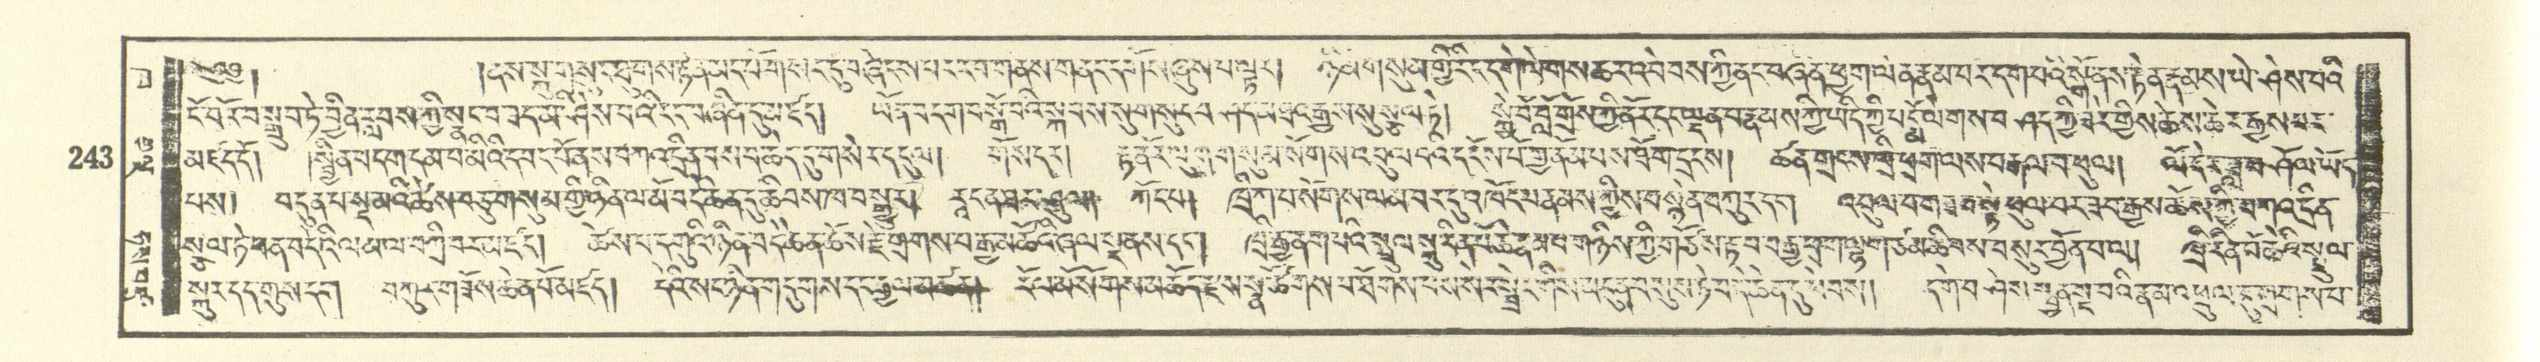༄༅། །ནས་སྐུ་གསུང་ཐུགས་རྟེན་མང་པོ་གསར་དུ་བཞེངས་པར་རབ་གནས་གནང་དགོས་ཞུས་པ་ལྟར། ཉི་མ་གསུམ་གྱི་རིང་དགེ་ལེགས་ཆར་འབེབས་ཀྱི་ནང་བཞིན་ཕྱག་ལེན་རྣམ་པར་དག་པའི་སྒོ་ནས་རྟེན་རྣམས་ཡེ་ཤེས་པའི་
ངོ་བོར་བསྒྲུབ་ཏེ་བྱིན་རླབས་ཀྱི་སྣང་བཟད་མི་ཤེས་པའི་རང་བཞིན་དུ་མཛད། ཡོན་བདག་བསྒོ་བའི་སྐབས་སུ་གསུང་བཤད་མཐའ་རྒྱས་སུ་སྩལ་ཏེ། སྐྱེ་བོ་བློ་གྲོས་ཀྱི་ནོར་དང་ལྡན་པ་རྣམས་ཀྱི་ཡིད་ཀྱི་པདམོ་ལེགས་བཤད་ཀྱི་ཟེར་གྱིས་ཆེས་ཆེར་རྒྱས་པར་
མཛད་དོ། །སྦྱིན་བདག་དམ་པ་མིའི་དབང་པོ་ནས་བཀའ་དྲིན་བས་བ་ཆེད་དུ་གསེར་དངུལ། གོས་དར། རྟ་ནོར་ལུག་གསུམ་སོགས་འབུལ་བའི་དངོས་པོ་གྱ་ནོམ་པས་ཐོག་དྲངས། ཚན་གྲངས་ཁྲི་ཕྲག་ལས་བརྒལ་བ་ཕུལ། ལོ་དེར་ཟླ་བཤོལ་ཡོད་
པས། བདུན་པ་སྔ་མའི་ཚེས་བཅུ་གསུམ་གྱི་ཉིན་ལ་མོ་བདེ་ཆེན་དུ་ཆིབས་ཁ་བསྒྱུར། རཱ་ངན་ཐར་ཤུལ། ཀོང་པ། ཁྲི་ཀ་པ་སོགས་ལམ་བར་དུ་འཁོང་པ་རྣམས་ཀྱིས་བསྙེན་བཀུར་དང་། འབུལ་བ་གཟབ་སྟེ་ཕུལ་བར་ཟབ་རྒྱས་ཆོས་ཀྱི་བཀའ་དྲིན་
སྩལ་ཏེ་ཕན་བདེའི་ལམ་ལ་བཀྲི་བར་མཛད། ཚེས་པ་དགུའི་ཉིན་བདེ་ཆེན་ཆོས་རྗེ་གྲགས་པ་རྒྱ་མཚོའི་ཞལ་སྔ་ནས་དང་། ཁྲི་རྒྱ་ནག་པའི་སྤྲུལ་སྐུ་རིན་པོ་ཆེ་རྣམ་པ་གཉིས་ཀྱི་གཙོས་རྟ་བ་བརྒྱ་ཕྲག་ལྷག་ཙམ་ཆིབས་བསུར་བྱོན་པ་ལ། ཁྲི་རིན་པོ་ཆེའི་སྤྲུལ་
སྐུར་དད་གུས་དང་། བཀུར་གཟོས་ཆེན་པོ་མཛད། དེའི་སང་ཉིན་གདུགས་དང་རྒྱལ་མཚན། རོལ་མོ་སོགས་མཆོད་རྫས་སྣ་ཚོགས་པ་ཐོགས་པས་སེར་སྦྲེང་གིས་མདུན་བསུས་ཏེ་བདེ་ཆེན་དུ་ཕེབས། དགེ་བཤེས་སྤྱན་སྔ་བའི་རྣམ་འཕྲུལ་དུ་གྲགས་པ་